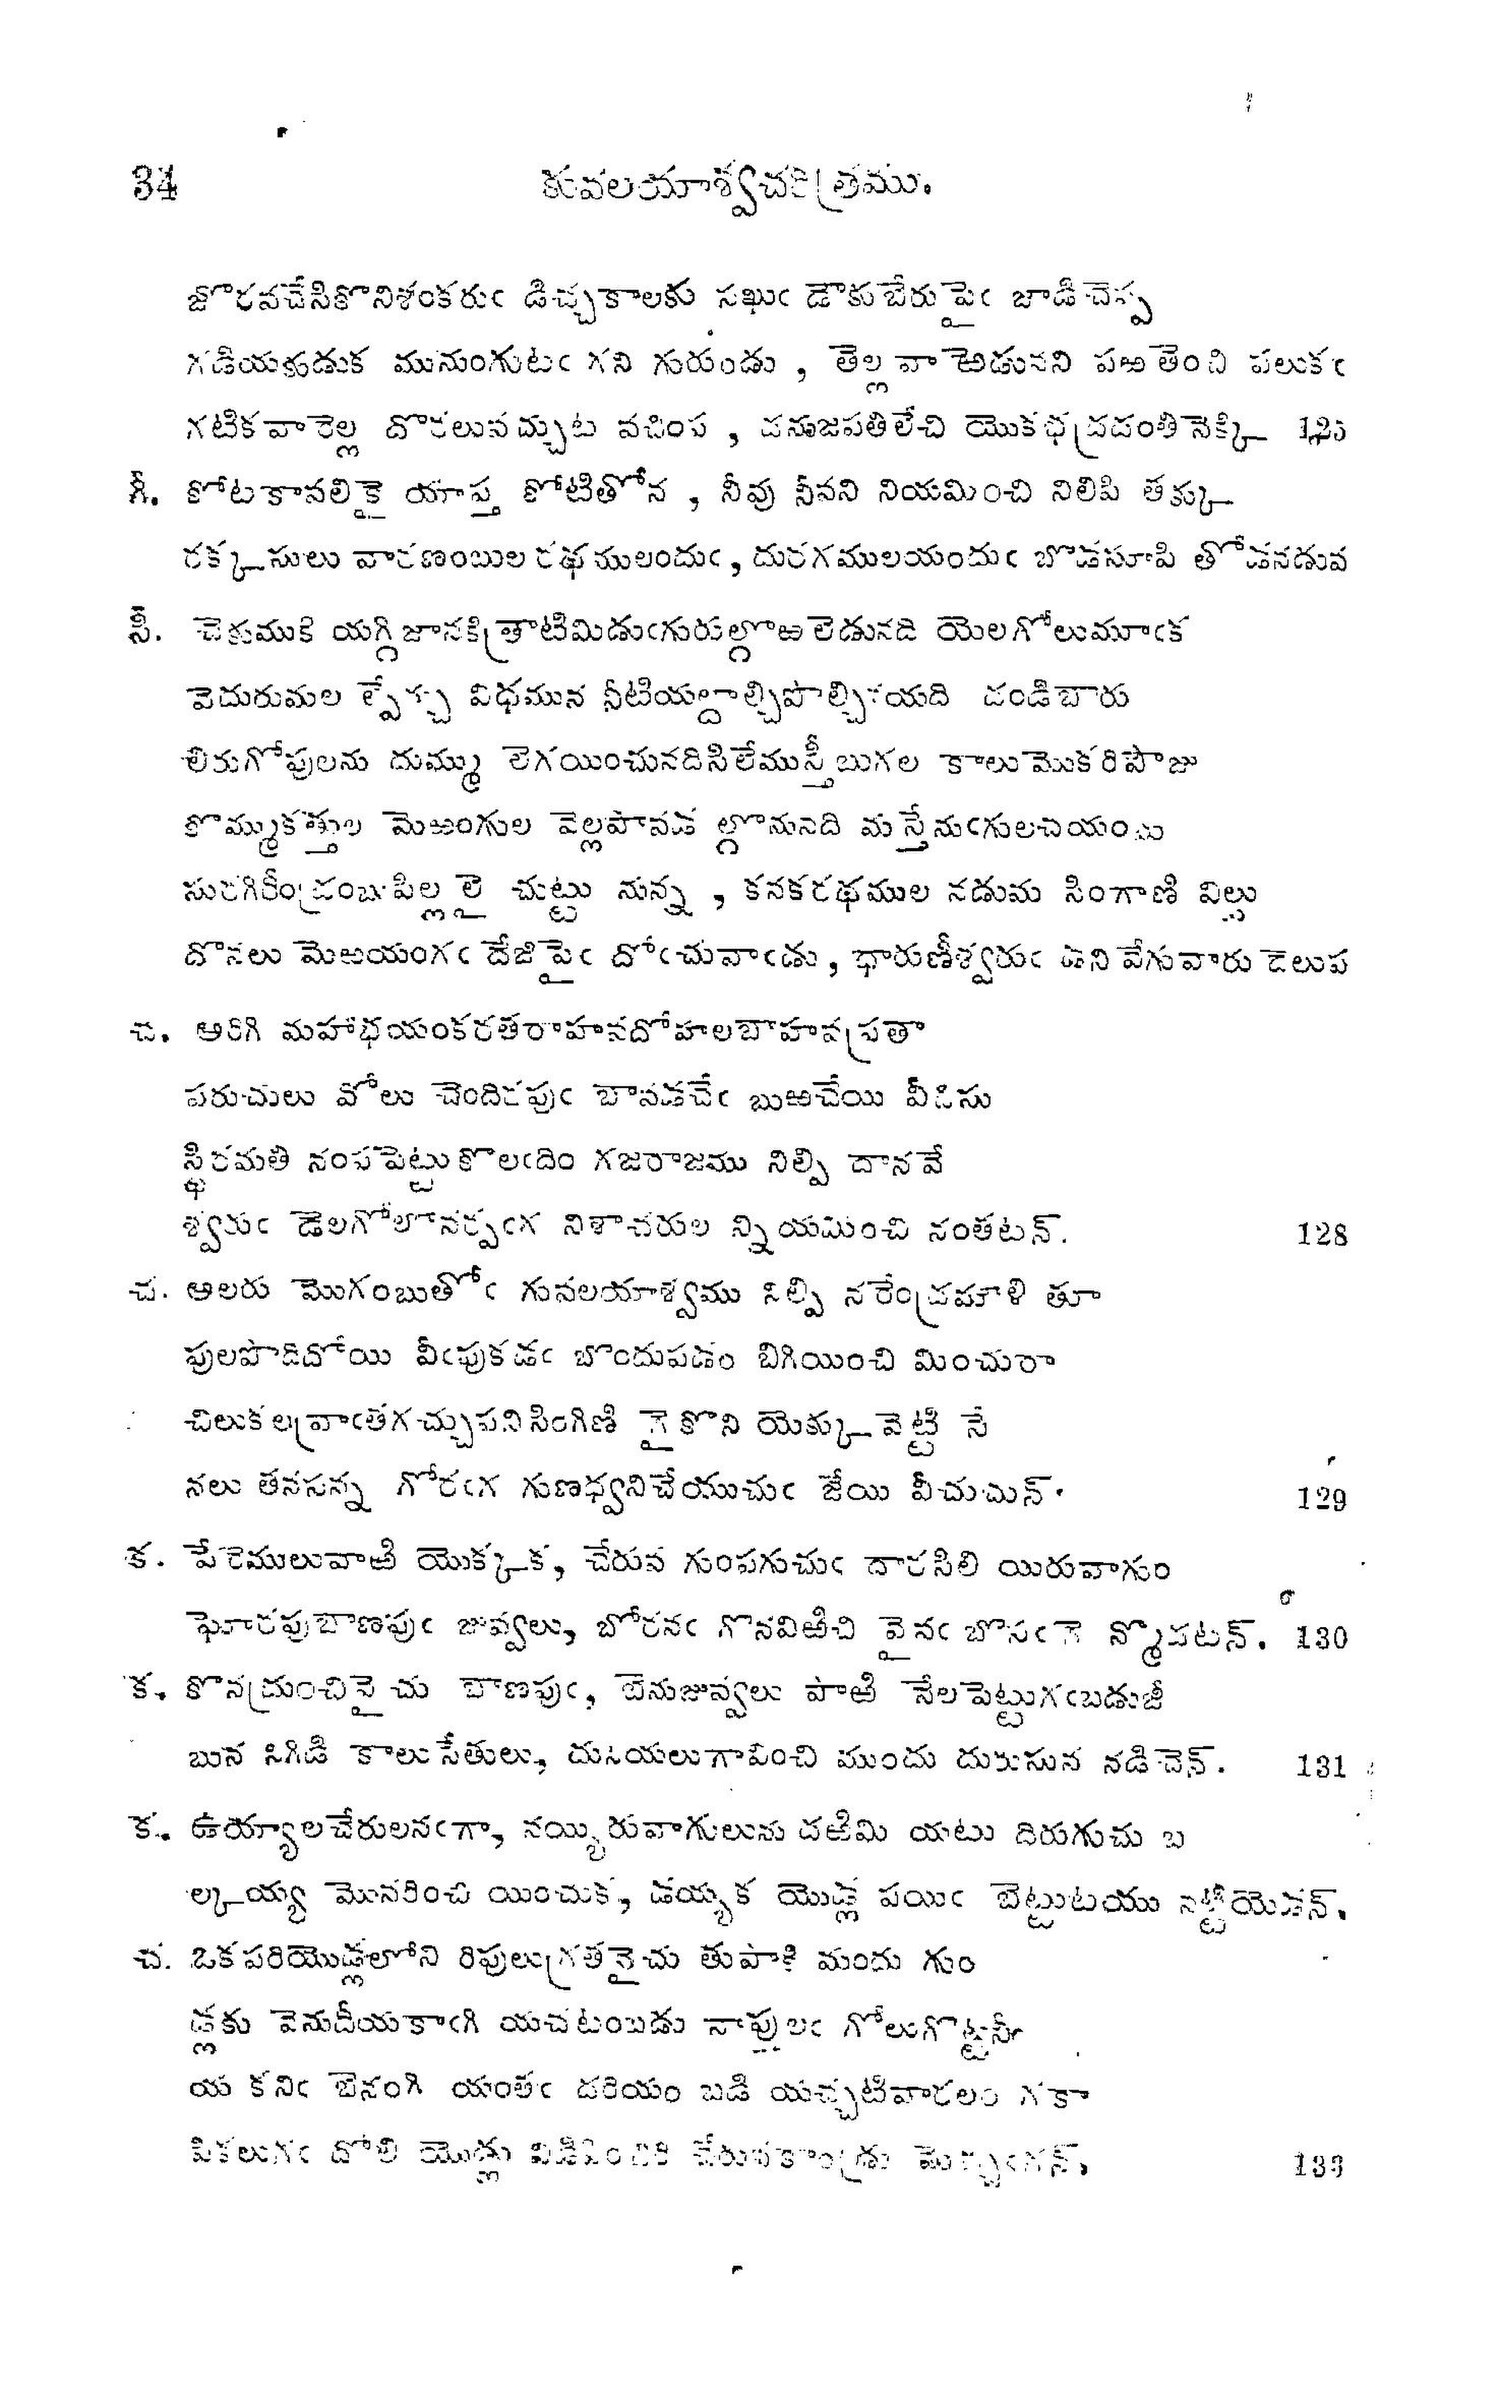జొరవ చేసికొని శంకరుఁ డిచ్చకాలకు సఖుఁ డౌకుబేరుపైఁ జాడి చెప్ప
గడియకుడుక మునుంగుటఁ గని గురుండు, తెల్లవాఱెడునని పఱతెంచి పలుకఁ
గటికవారెల్ల దొరలు వచ్చుట వచింప, దనుజపతి లేచి యొకభద్రదంతి నెక్కి.
గీ. కోటకావలికై యాప్తకోటితోన, నీవు నీ వని నియమించి నిలిపి తక్కు
రక్కసులు వారణంబుల రథములందుఁ, దురగములయందుఁ బొడసూపి తోడనడువ.
సీ. చెకుముకి యగ్గి జానకితాటిమిడుఁగురు ల్గొఱలెడునది యెలగోలుమూఁక
వెదురుమల ల్చేర్చువిధమున నీటియ ల్దాల్చి పొల్చినయది దండిబారు
లిరుగోపులను దుమ్ము లెగయించునదిసిలేముస్తీబుగల కాలుమొకరిపౌజు
కొమ్ముకత్తుల మెఱంగుల వెల్లపానడ ల్గొనునది మస్తేనుఁగులచయంబు
సురగిరీంద్రంబుపిల్లలై చుట్టు నున్న, కనకరథముల నడుమ సింగాణి విల్లు
దొనలు మెఱయంగఁ దేజిపైఁ దోఁచువాఁడు, ధారుణీశ్వరుఁ డని వేగువారు దెలుప.
చ. అరిగి మహాభయంకరతరాహనదోహలబాహవప్రతా
పరుచులు వోలు చెందిరపుఁ బావడచేఁ బుఱచేయి వీచి సు
స్థిరమతి నంపపెట్టుకొలఁదిం గజరాజము నిల్పి దానవే
శ్వరుఁ డెలగో లొనర్పఁగ నిశాచరుల న్నియమించి నంతటన్.
చ. అలరుమొగంబుతోఁ గువలయాశ్వము నిల్పి నరేంద్రమౌళి తూ
పులపొదిదోయి వీపుకడఁ బొందుపడం బిగియించి మించురా
చిలుకలవ్రాఁతగచ్చుపనిసింగిణి గైకొని యెక్కువెట్టి సే
నలు తనసన్న గోరఁగ గుణధ్వని చేయుచుఁ జేయి వీచుచున్.
క. పేరెములు వాఱి యొక్కక, చేరువ గుంపగుచుఁ దారసిలి యిరువాగుం
ఘోరపుబాణపుఁ జువ్వలు, బోరనఁ గొనవిఱిచి వైవఁ బొసఁగె న్మొదటన్.
క. కొనద్రుంచివైచు బాణపుఁ, బెనుజువ్వలు పాఱి నేలపెట్టుగఁబడుజీ
బున సిగిడి కాలుసేతులు, దునియలు గావించి ముందు దురుసున నడిచెన్.
క. ఉయ్యాలచేరు లనఁగా, నయ్యిరువాగులును దఱిమి యటు దిరుగుచు బ
ల్కయ్య మొనరించి యించుక, డయ్యక యొడ్ల పయిఁ బెట్టుటయు నట్టియెడన్.
చ. ఒకపరి యొడ్లలోని రిపు లుగ్రత వైచు తుపాకిమందుగుం
డ్లకు వెనుదీయ కాఁగి యచటంబడునాప్తులఁ గోలుగొట్టనీ
య కనిఁ బెనంగి యంతఁ దరియం బడి యచ్చటివారలం గకా
పికలుగఁ దోలి యొడ్లు విడిరించిరి చేరువకాండ్రు మెచ్చఁగన్.